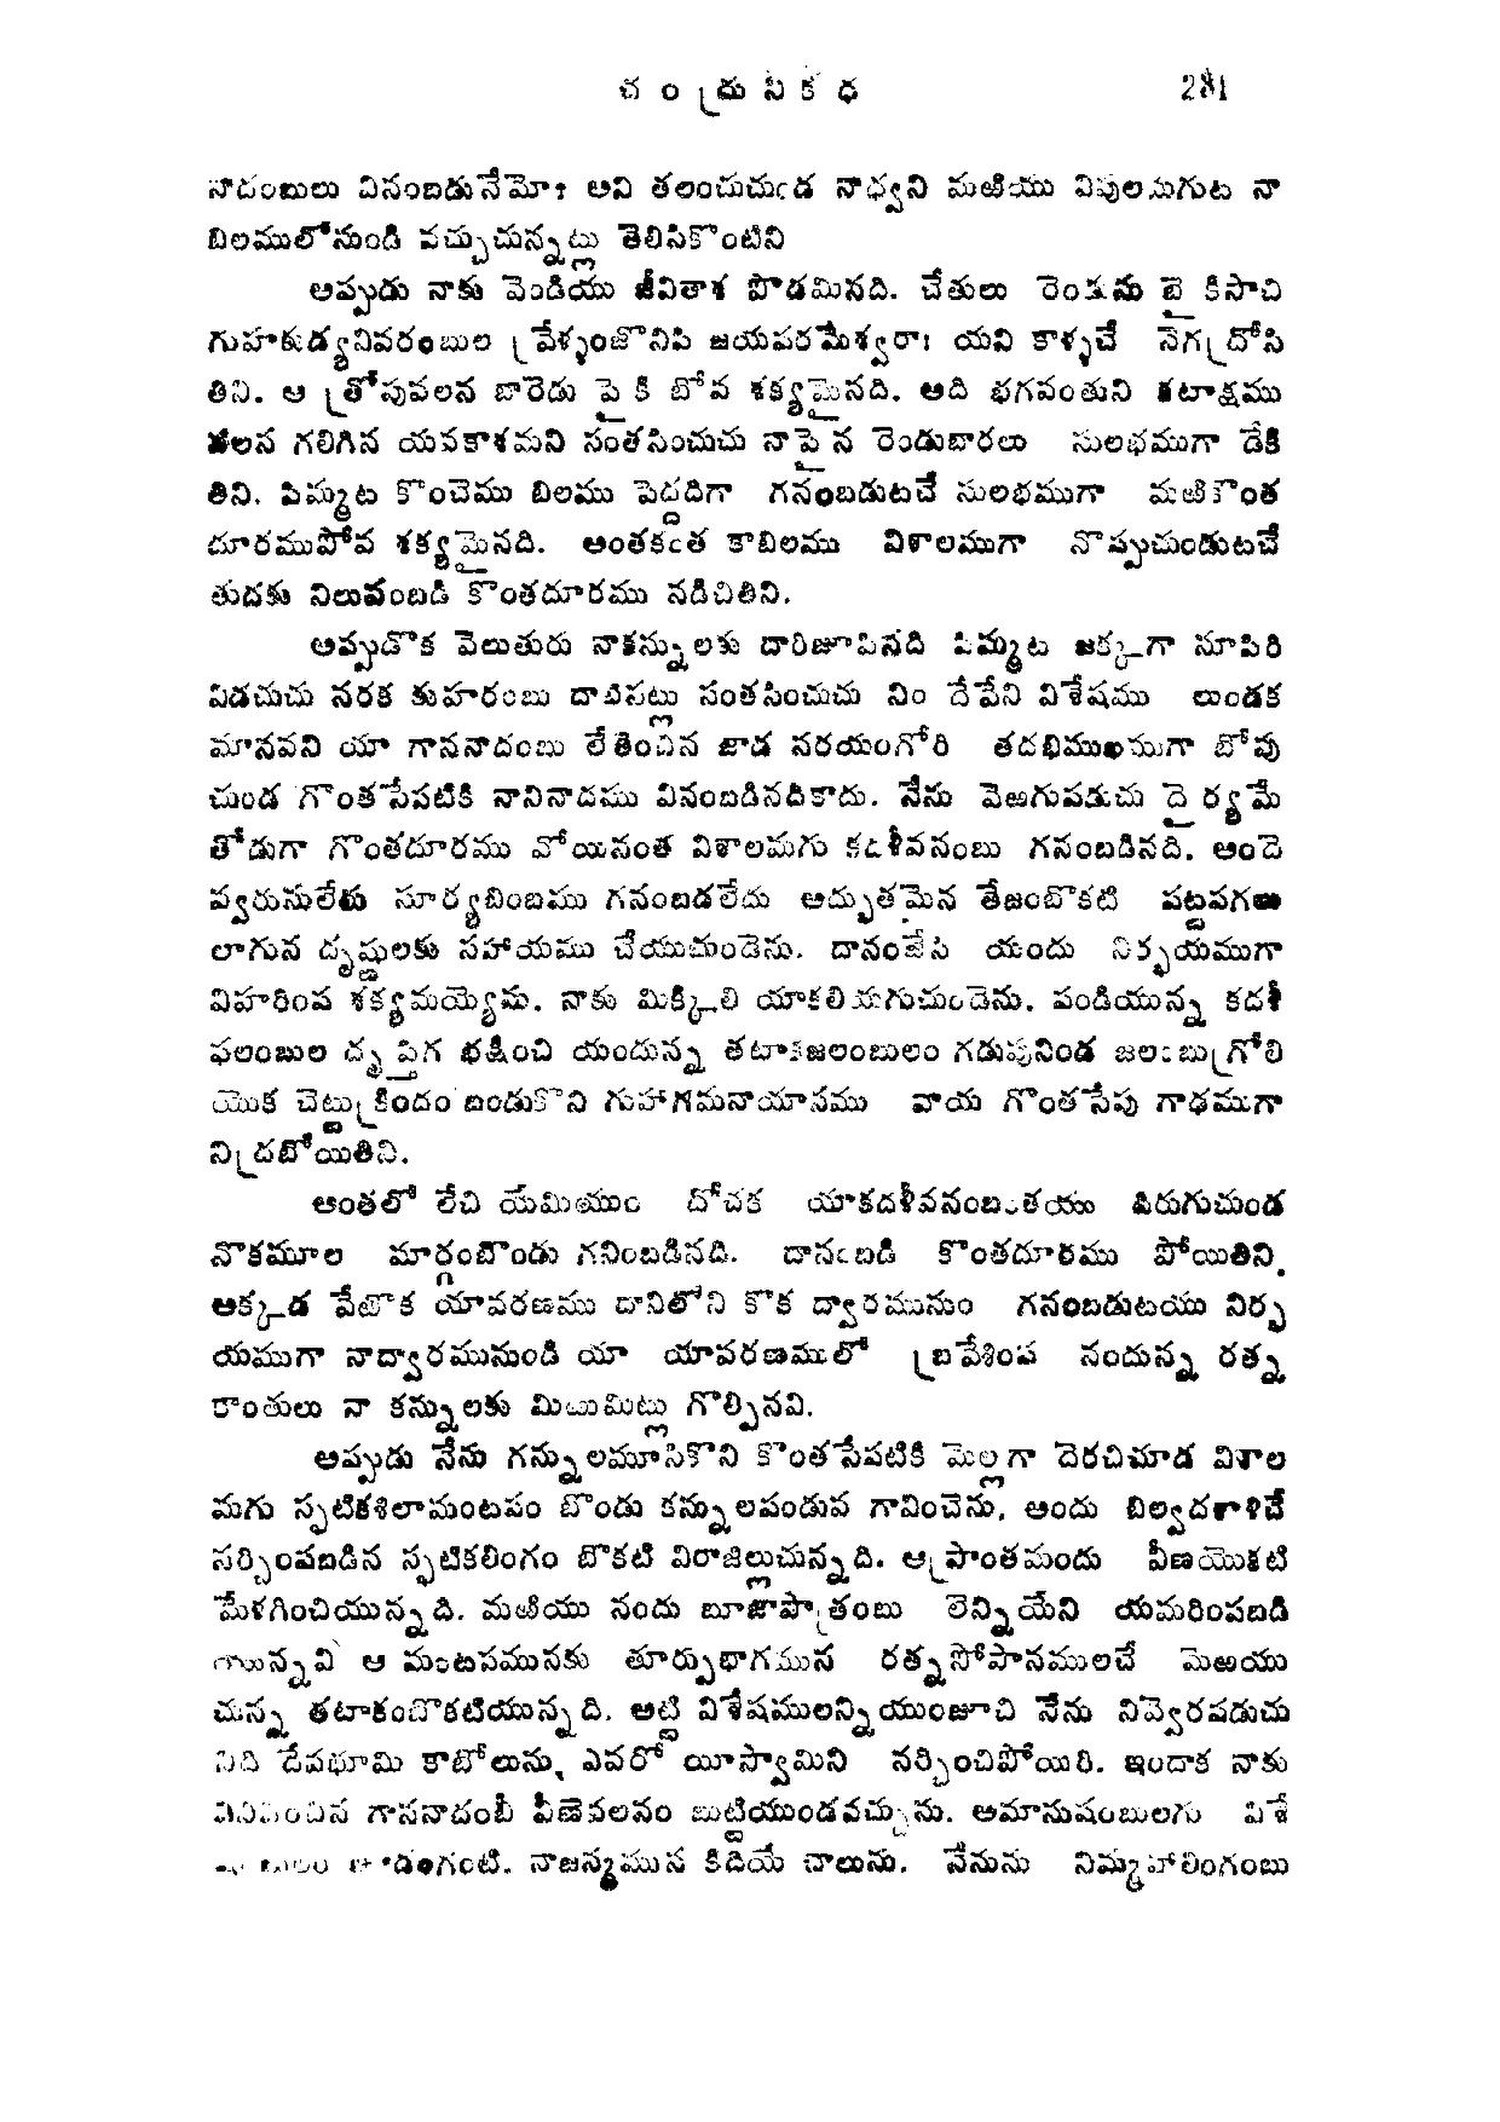నాదంబులు వినంబడునేమో? అని తలంచుచుండ నాధ్వని మఱియు విపులమగుట నాబిలములోనుండి వచ్చుచున్నట్లు తెలిసికొంటిని.

అప్పుడు నాకు వెండియు జీవితాశ పొడమినది. చేతులు రెండును బైకిసాచి గుహకుడ్యనివరంబుల వ్రేళ్ళంజొనిపి జయపరమేశ్వరా! యని కాళ్ళచే నెగద్రోసితిని. ఆ త్రోపువలన బారెడు పైకి బోవ శక్యమైనది. అది భగవంతుని కటాక్షము వలన గలిగిన యవకాశమని సంతసించుచు నాపైన రెండుబారలు సులభముగా డేకితిని. పిమ్మట కొంచెము బిలము పెద్దదిగా గనంబడుటచే సులభముగా మఱికొంతదూరముపోవ శక్యమైనది. అంతకంత కాబిలము విశాలముగా నొప్పుచుండుటచే తుదకు నిలువంబడి కొంతదూరము నడిచితిని.

అప్పుడొక వెలుతురు నాకన్నులకు దారిజూపినది పిమ్మట జక్కగా నూపిరి విడచుచు నరకకుహరంబు దాటినట్లు సంతసించుచు నిం దేవేని విశేషము లుండక మానవని యా గాననాదంబు లేతెంచిన జాడ నరయంగోరి తదభిముఖముగా బోవుచుండ గొంతసేపటికి నానినాదము వినంబడినదికాదు. నేను వెఱగుపడుచు దైర్యమే తోడుగా గొంతదూరము వోయినంత విశాలమగు కదళీవనంబు గసంబడినది. అందెవ్వరునులేరు సూర్యబింబము గనంబడలేదు. అద్భుతమైన తేజంబొకటి పట్టపగలు లాగున దృష్టులకు సహాయము చేయుచుండెను. దానంజేసి యందు నిర్భయముగా విహరింప శక్యమయ్యెను. నాకు మిక్కిలి యాకలియగుచుండెను. పండియున్న కదళీఫలంబుల దృప్తిగ భక్షించి యందున్న తటాకజలంబులం గడుపునిండ జలంబుగ్రోలి యొక చెట్టుక్రిందం బండుకొని గుహాగమనాయాసము వాయ గొంతసేపు గాఢముగా నిద్రబోయితిని.

అంతలో లేచి యేమియుం దోచక యాకదళీవనంబంతయు దిరుగుచుండ నొకమూల మార్గంబొండు గనింబడినది. దానంబడి కొంతదూరము పోయితిని. అక్కడ వేఱొక యావరణము దానిలోని కొకద్వారమునుం గనంబడుటయు నిర్భయముగా నాద్వారమునుండి యా యావరణములో బ్రవేశింప నందున్న రత్నకాంతులు నా కన్నులకు మిఱుమిట్లు గొల్పినవి.

అప్పుడు నేను గన్నులమూసికొని కొంతసేపటికి మెల్లగా దెరచిచూడ విశాలమగు స్ఫటికశిలామంటపం బొండు కన్నులపండువ గావించెను. అందు బిల్వదళాళిచే నర్చింపబడిన స్ఫటికలింగం బొకటి విరాజిల్లుచున్నది. ఆ ప్రాంతమందు వీణయొకటి మేళగించియున్నది. మఱియు నందు బూజాపాత్రంబు లెన్నియేని యమరింపబడి యున్నవి ఆ మంటపమునకు తూర్పుభాగమున రత్నసోపానములచే మెఱయుచున్న తటాకంబొకటియున్నది. అట్టి విశేషములన్నియుంజూచి నేను నివ్వెరపడుచు నిది దేవభూమి కాబోలును, ఎవరో యీస్వామిని నర్చించిపోయిరి. ఇందాక నాకు వినిపించిన గాననాదం బీ వీణెవలనం బుట్టియుండవచ్చును. అమానుషంబులగు విశేషంబులం జూడంగంటి. నాజన్మమున కిదియే చాలును. నేనును నిమ్మహాలింగంబు